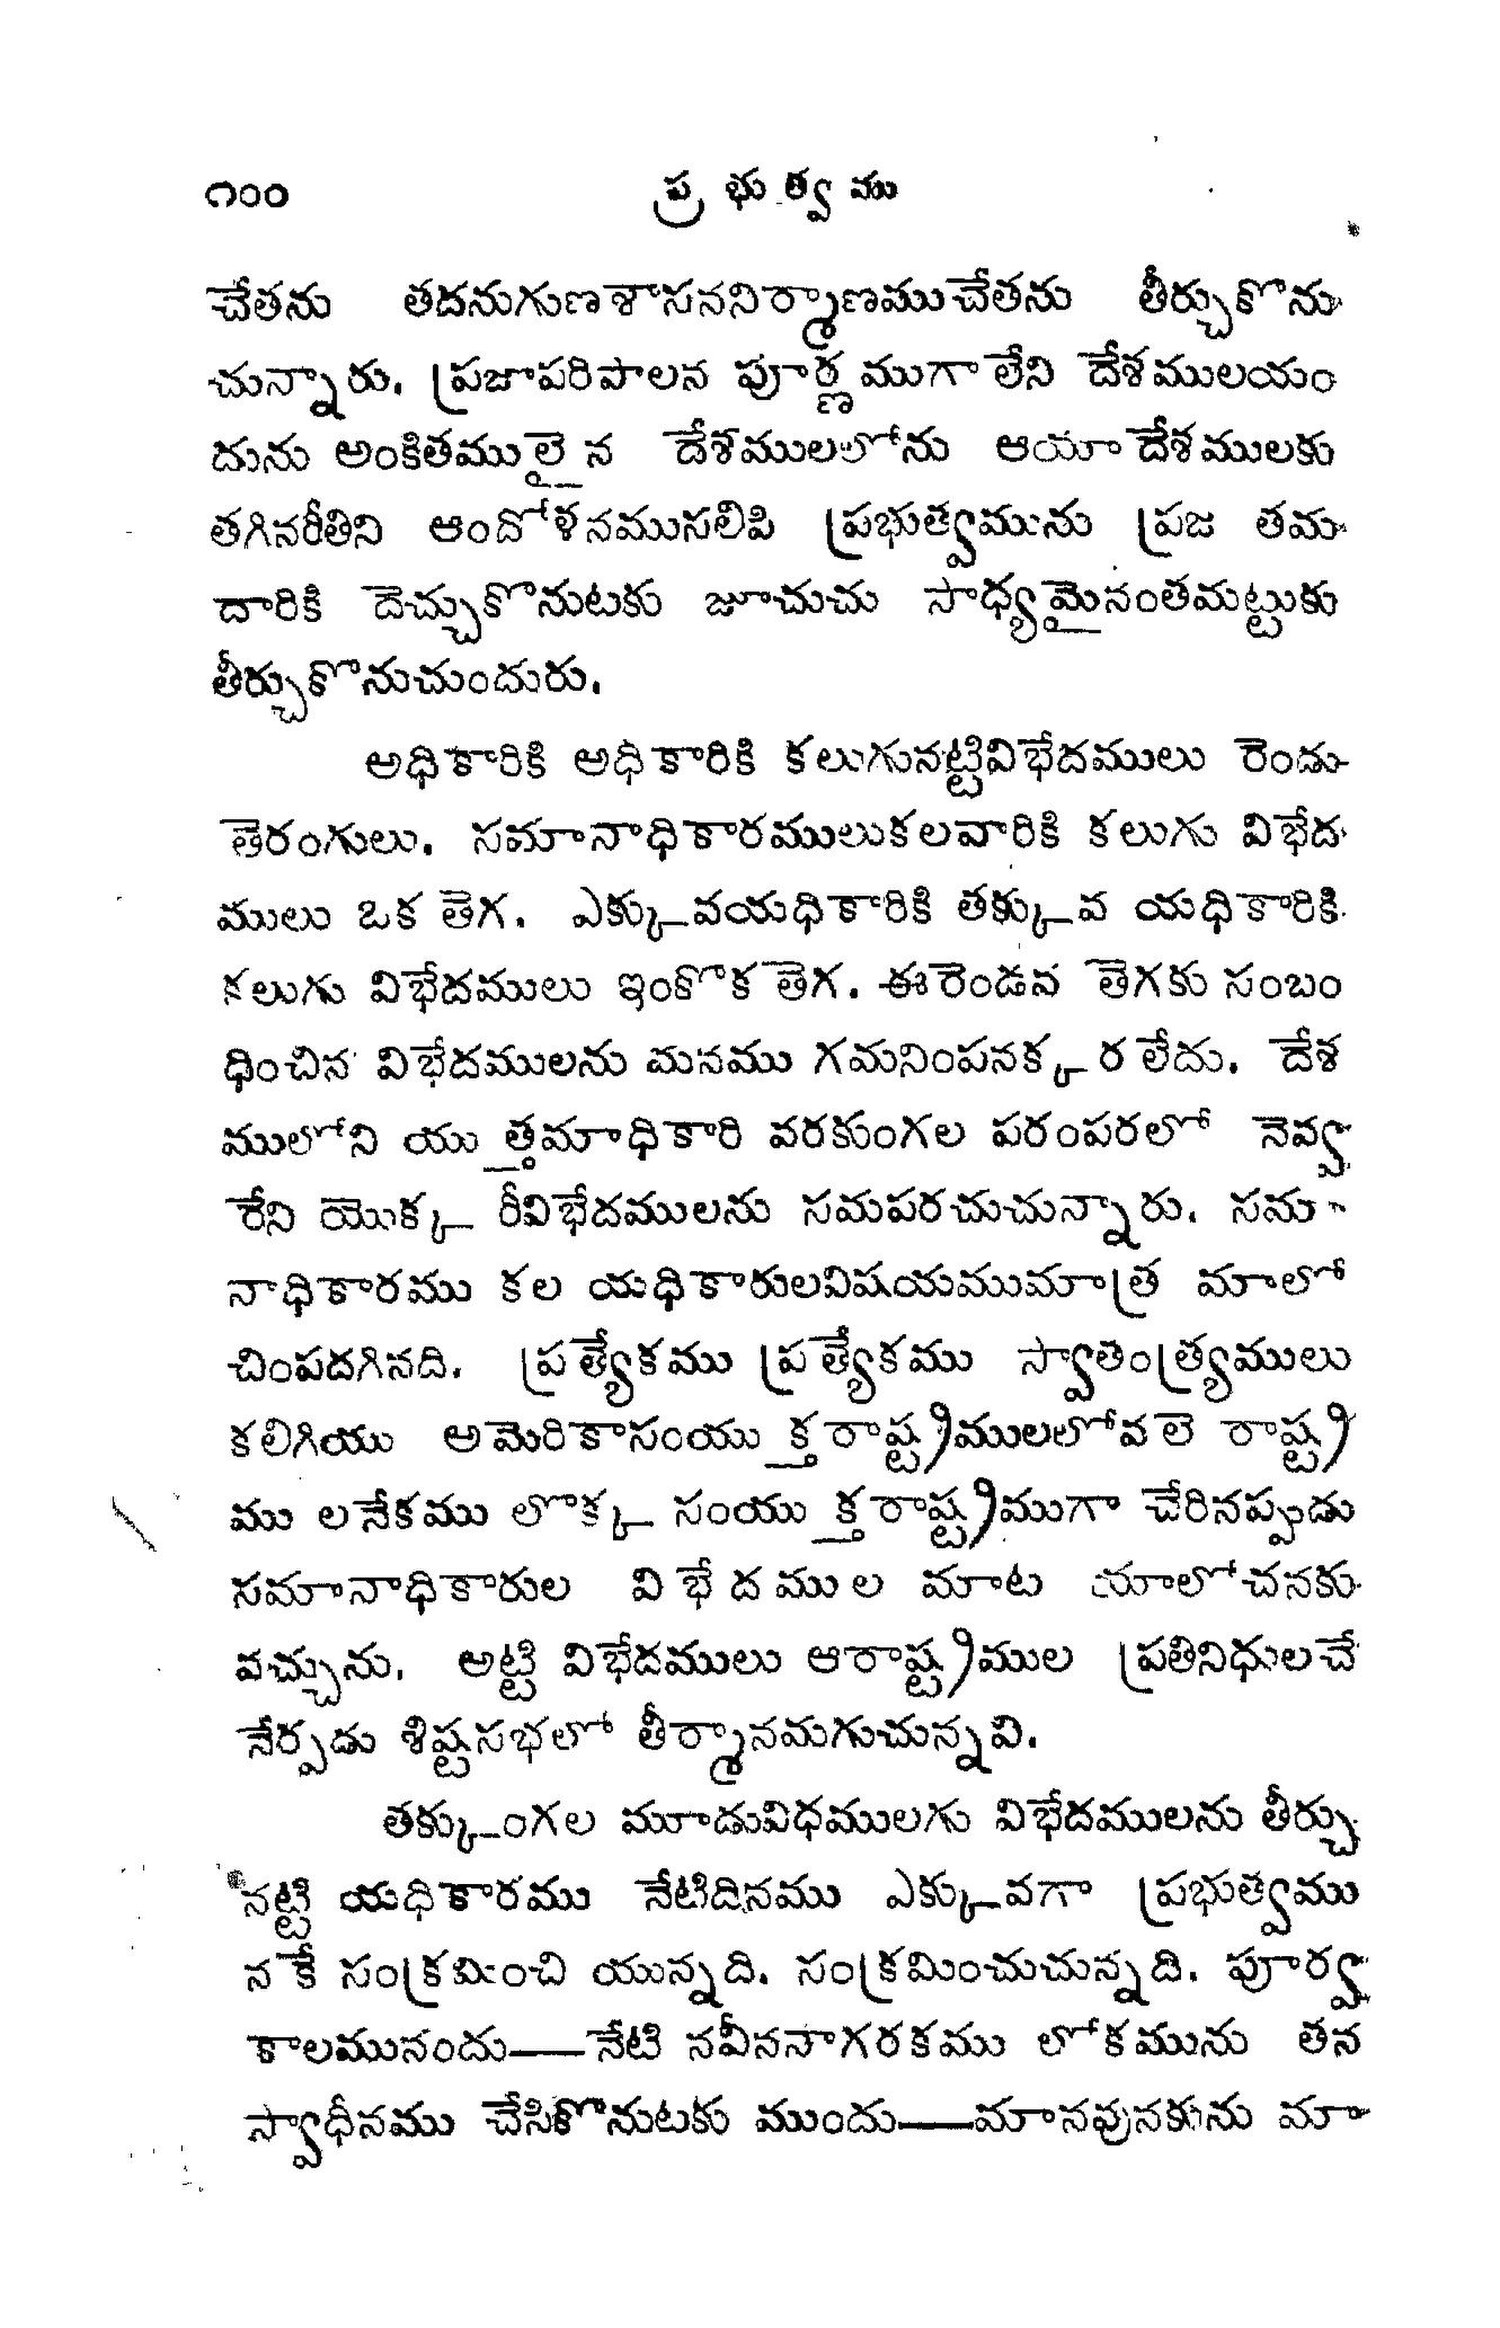చేతను తదనుగుణశాసననిర్మాణముచేతను తీర్చుకొనుచున్నారు. ప్రజూపరిపాలన పూర్ణముగాలేని దేశములయందును అంకితములైన దేశములలోను ఆయాదేశములకు తగినరీతిని ఆందోళనము సలిపి ప్రభుత్వమును ప్రజ తమదారికి దెచ్చుకొనుటకు జూచుచు సాధ్యమైనంతమట్టుకు తీర్చుకొను చుందురు.

అధికారికి అధికారికి కలుగునట్టివిభేదములు రెండు తెరంగులు. సమానాధికారములుకలవారికి కలుగు విభేదములు ఒక తెగ. ఎక్కువయధికారికి తక్కువ యధికారికి కలుగు విభేదములు ఇంకొక తెగ. ఈరెండవ తెగకు సంబంధించిన విభేదములను మనము గమనింపనక్కరలేదు. దేశములోని యుత్తమాధికారి వరకుంగల పరంపరలో నెవ్వరేని యొక్క రీవిభేదములను సమపరచుచున్నారు. సమానాధికారము కల యధికారులవిషయముమాత్ర మాలోచింపదగినది. ప్రత్యేకము ప్రత్యేకము స్వాతంత్ర్యములు కలిగియు అమెరికాసంయుక్తరాష్ట్రములలోవలె రాష్ట్రము లనేకము లొక్క సంయుక్త రాష్ట్రముగా చేరినప్పుడు సమానాధికారుల విభేదముల మాట యాలోచనకు వచ్చును. అట్టి విభేదములు ఆరాష్ట్రముల ప్రతినిధులచే నేర్పడు శిష్టసభలో తీర్మానమగుచున్నవి.

తక్కుంగల మూడువిధములగు విభేదములను తీర్చునట్టి యధికారము నేటిదినము ఎక్కువగా ప్రభుత్వమునకే సంక్రమించి యున్నది. సంక్రమించుచున్నది. పూర్వకాలమునందు- నేటి నవీననాగరకము లోకమును తన స్వాధీనము చేసికొనుటకు ముందు - మానవునకును మా